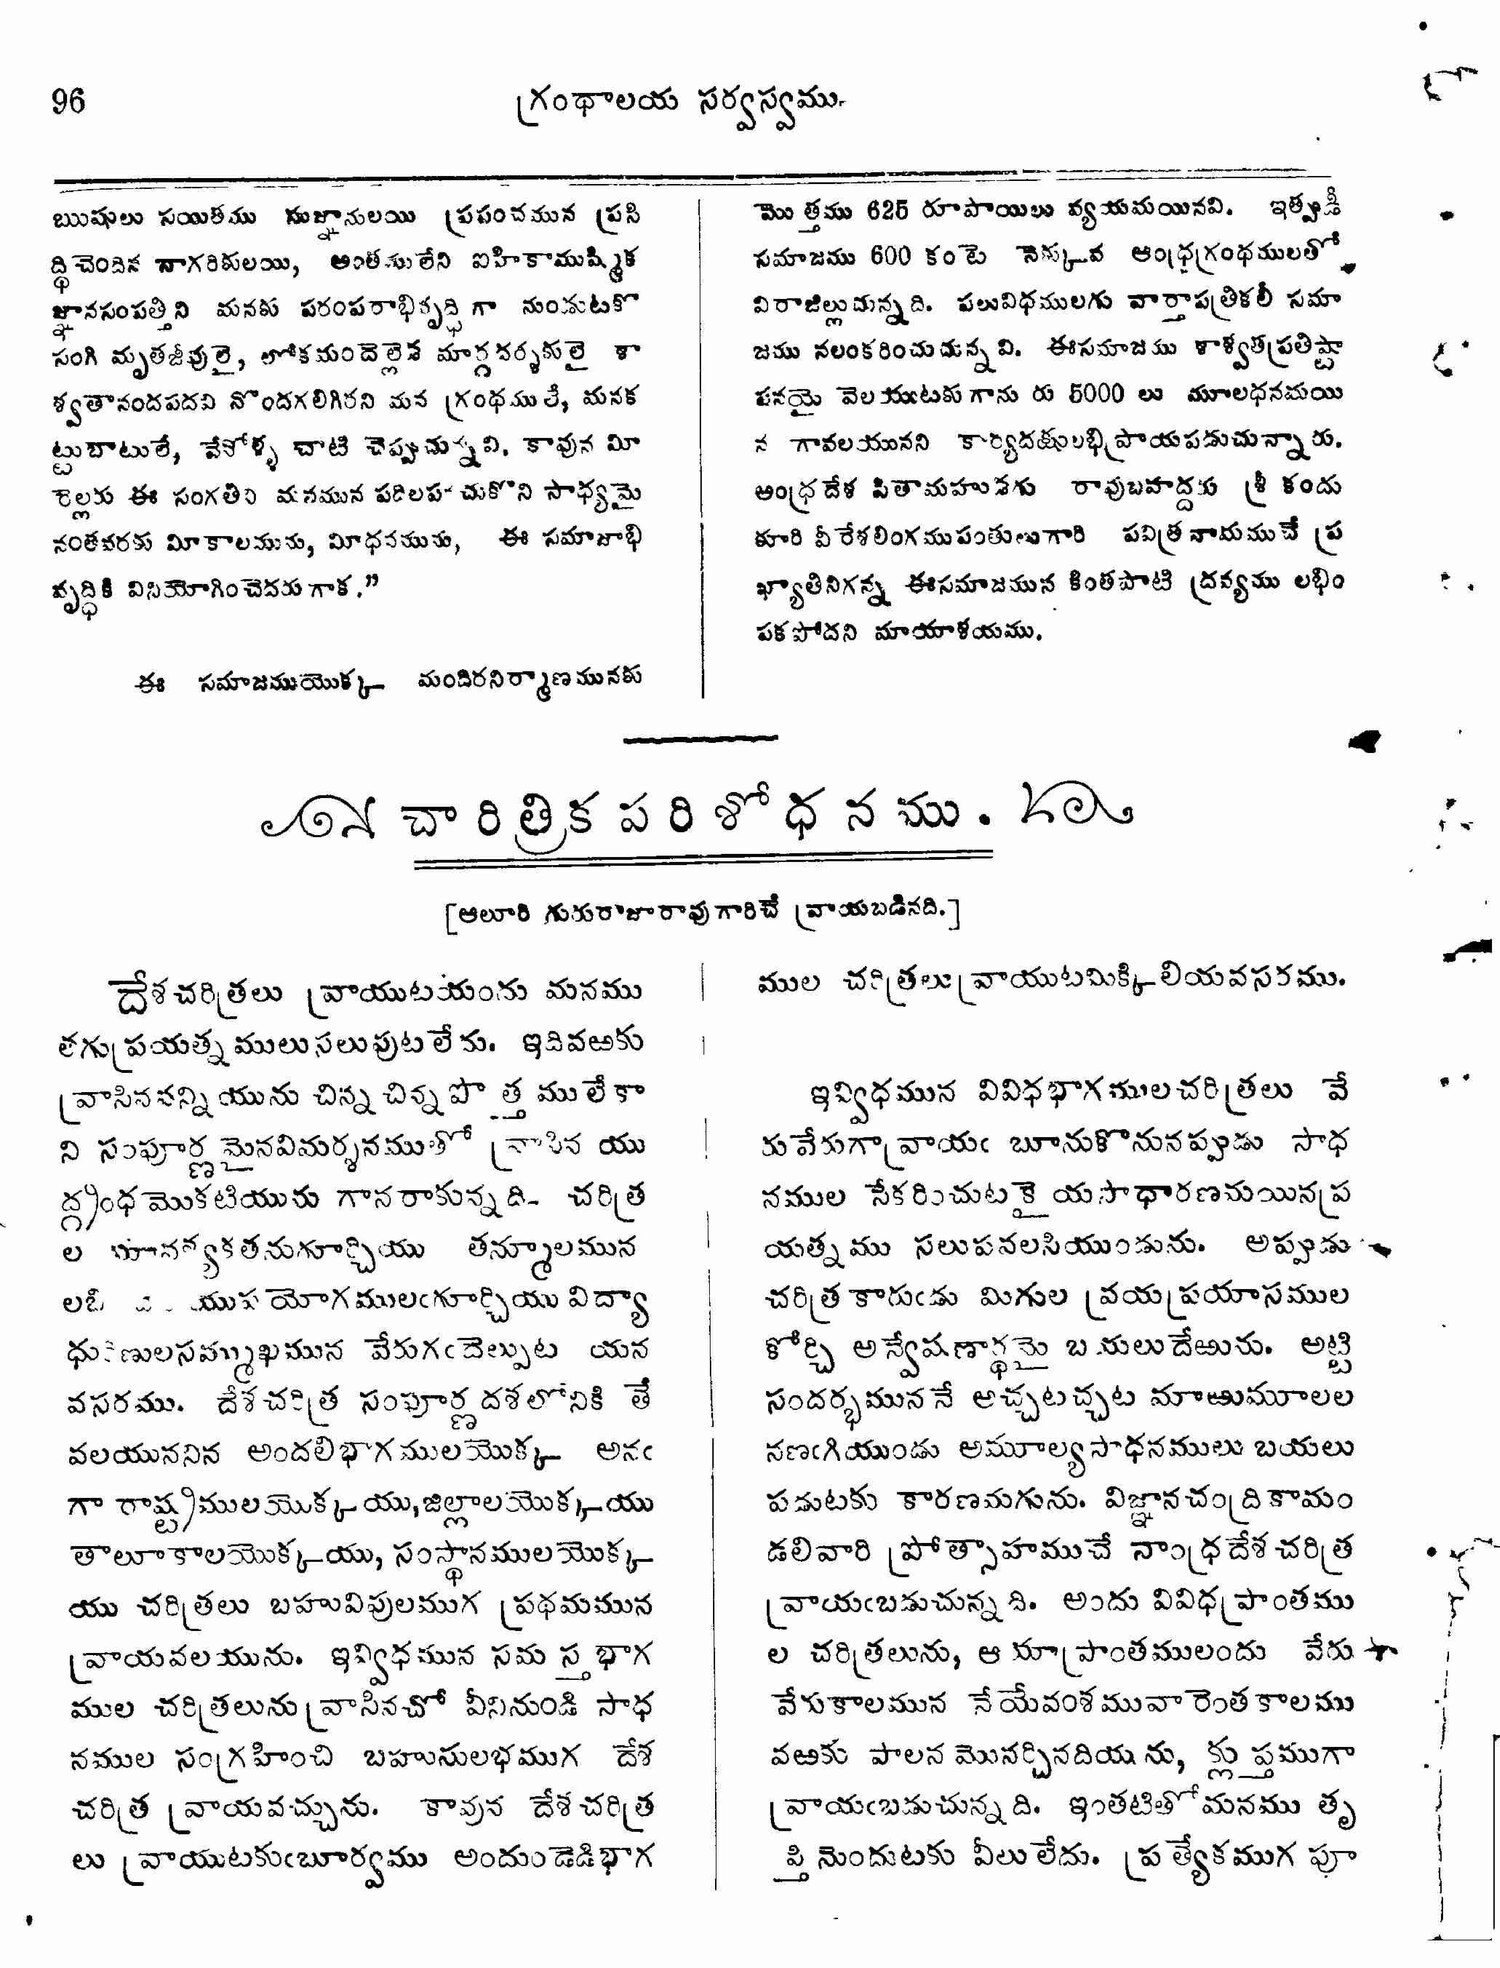బుషులు సయితము సుజ్ఞానులయి ప్రపంచమున ప్రసిద్ధి 
చెందిన నాగరికులయి, అంతములేని ఐహికాముష్మిక
జ్ఞానసంపత్తిని మనకు పరంపరాభివృద్ధిగా నుండుటకొసంగి మృతజీవులై, లోకమందెల్లైన మార్గదర్శకులై శాశ్వతానందపదవి నొందగలిగిరని మన గ్రంథములే, మన కట్టుబాటులే, వేనోళ్ళ చాటి చెప్పుచున్నవి. కావున మీరెల్లకు ఈ సంగతిని మనమున పదిలపరచుకొని సాధ్యమై
నంతవరకు మీ కాలమును, మీధనమును, ఈ సమాజాభివృద్ధికి వినియోగించెదరు గాక ”

ఈ సమాజము యొక్క మందిర నిర్మాణమునకు
మొత్తము 625 రూపాయిలు వ్యయమయినవి. ఇత్వడీ
సమాజము 600 కంటె నెక్కువ ఆంధ్రగ్రంథములతో,
విరాజిల్లుచున్నది. పలువిధములగు వార్తాపత్రికలీ సమాజము నలంకరించుచున్నవి. ఈసమాజము శాశ్వత ప్రతిష్టాపనయై వెలయుటకు గాను రు 5000లు మూలధనమయినగావలయునని కార్యదక్షులభి ప్రాయపడుచున్నారు.
అంధ్రదేశ పితామహుడగు రావుబహద్దరు శ్రీ కందుకూరి వీరేశలింగము పంతులు గారి పవిత్ర నామముచే ప్రఖ్యాతినిగన్న ఈసమాజమున కింతపాటి ద్రవ్యము లభింపకపోదని మాయాశయము.

దేశచరిత్రలు వ్రాయుటయందు మనము
తగుప్రయత్న ములు సలుపుటలేదు. ఇదివఱకు
వ్రాసినవన్ని యును చిన్న చిన్న పొ త్త ములేకా
ని సుపూర్ణమైనవిమర్శనముతో వ్రాసిన యు
ద్గ్రంధ మొకటియురు గాన రాకున్నది. చరిత్ర
ల మానన్యకతను గూర్చియు తన్మూలమున
లఓ ఎ. యుపయోగములఁ గూర్చియు విద్యా
ధు ణులసమ్ముఖమున వేరుగఁ దెల్పుట యన
వసరము. దేశచరిత్ర సంపూర్ణదశలోనికి తే
వలయుననిన అందలి భాగముల యొక్క అనఁ
గా రాష్ట్రముల యొక్క యు, జిల్లాల యొక్క యు
తాలూ కాలయొక్కయు, సంస్థానముల యొక్క
యు చరిత్రలు బహువిపులముగ ప్రథమమున
వ్రాయవలయును. ఇవ్విధమున సమస్త భాగ
ముల చరిత్రలును వ్రాసినచో వీనినుండి సాధ
నముల సంగ్రహించి బహుసులభముగ దేశ
చరిత్ర వ్రాయవచ్చును. కావున దేశ చరిత్ర
లు వ్రాయుటకుఁబూర్వము అందుండెడి భాగముల చరిత్రలు వ్రాయుట మిక్కిలియవసరము.

ఇవ్విధమున వివిధభాగముల చరిత్రలు వే
కువేరుగా వ్రాయఁ బూనుకొనునప్పుడు సాధ
నములు సేకరించుటకై యసాధారణమయిన ప్ర
యత్నము సలుపవలసియుండును. అప్పుడు
చరిత్ర కారుఁడు మిగుల ప్రయప్రయాసముల
కోర్చి అన్వేషణార్థమై బయలుదేఱురు. అట్టి
సందర్భముననే అచ్చటచ్చట మాఱుమూలల
నణఁగియుండు అమూల్య సాధనములు బయలు
పడుటకు కారణమగును. విజ్ఞాన చంద్రికామం
డలివారి ప్రోత్సాహముచే నాంధ్ర దేశ చరిత్ర
వ్రాయఁబడుచున్న ది. అందు వివిధ ప్రాంతము
ల చరిత్రలును, ఆ భూప్రాంతములందు వేరు
వేరుకాలమున నేయే వంశమువారెంత కాలము
వఱకు పాలన మొనర్చినదియను, క్లుప్తముగా
వ్రాయఁబడుచున్నది. ఇంతటితో మనము తృ
ప్తి మెందుటకు వీలు లేదు. ప్రత్యేకముగ పూ